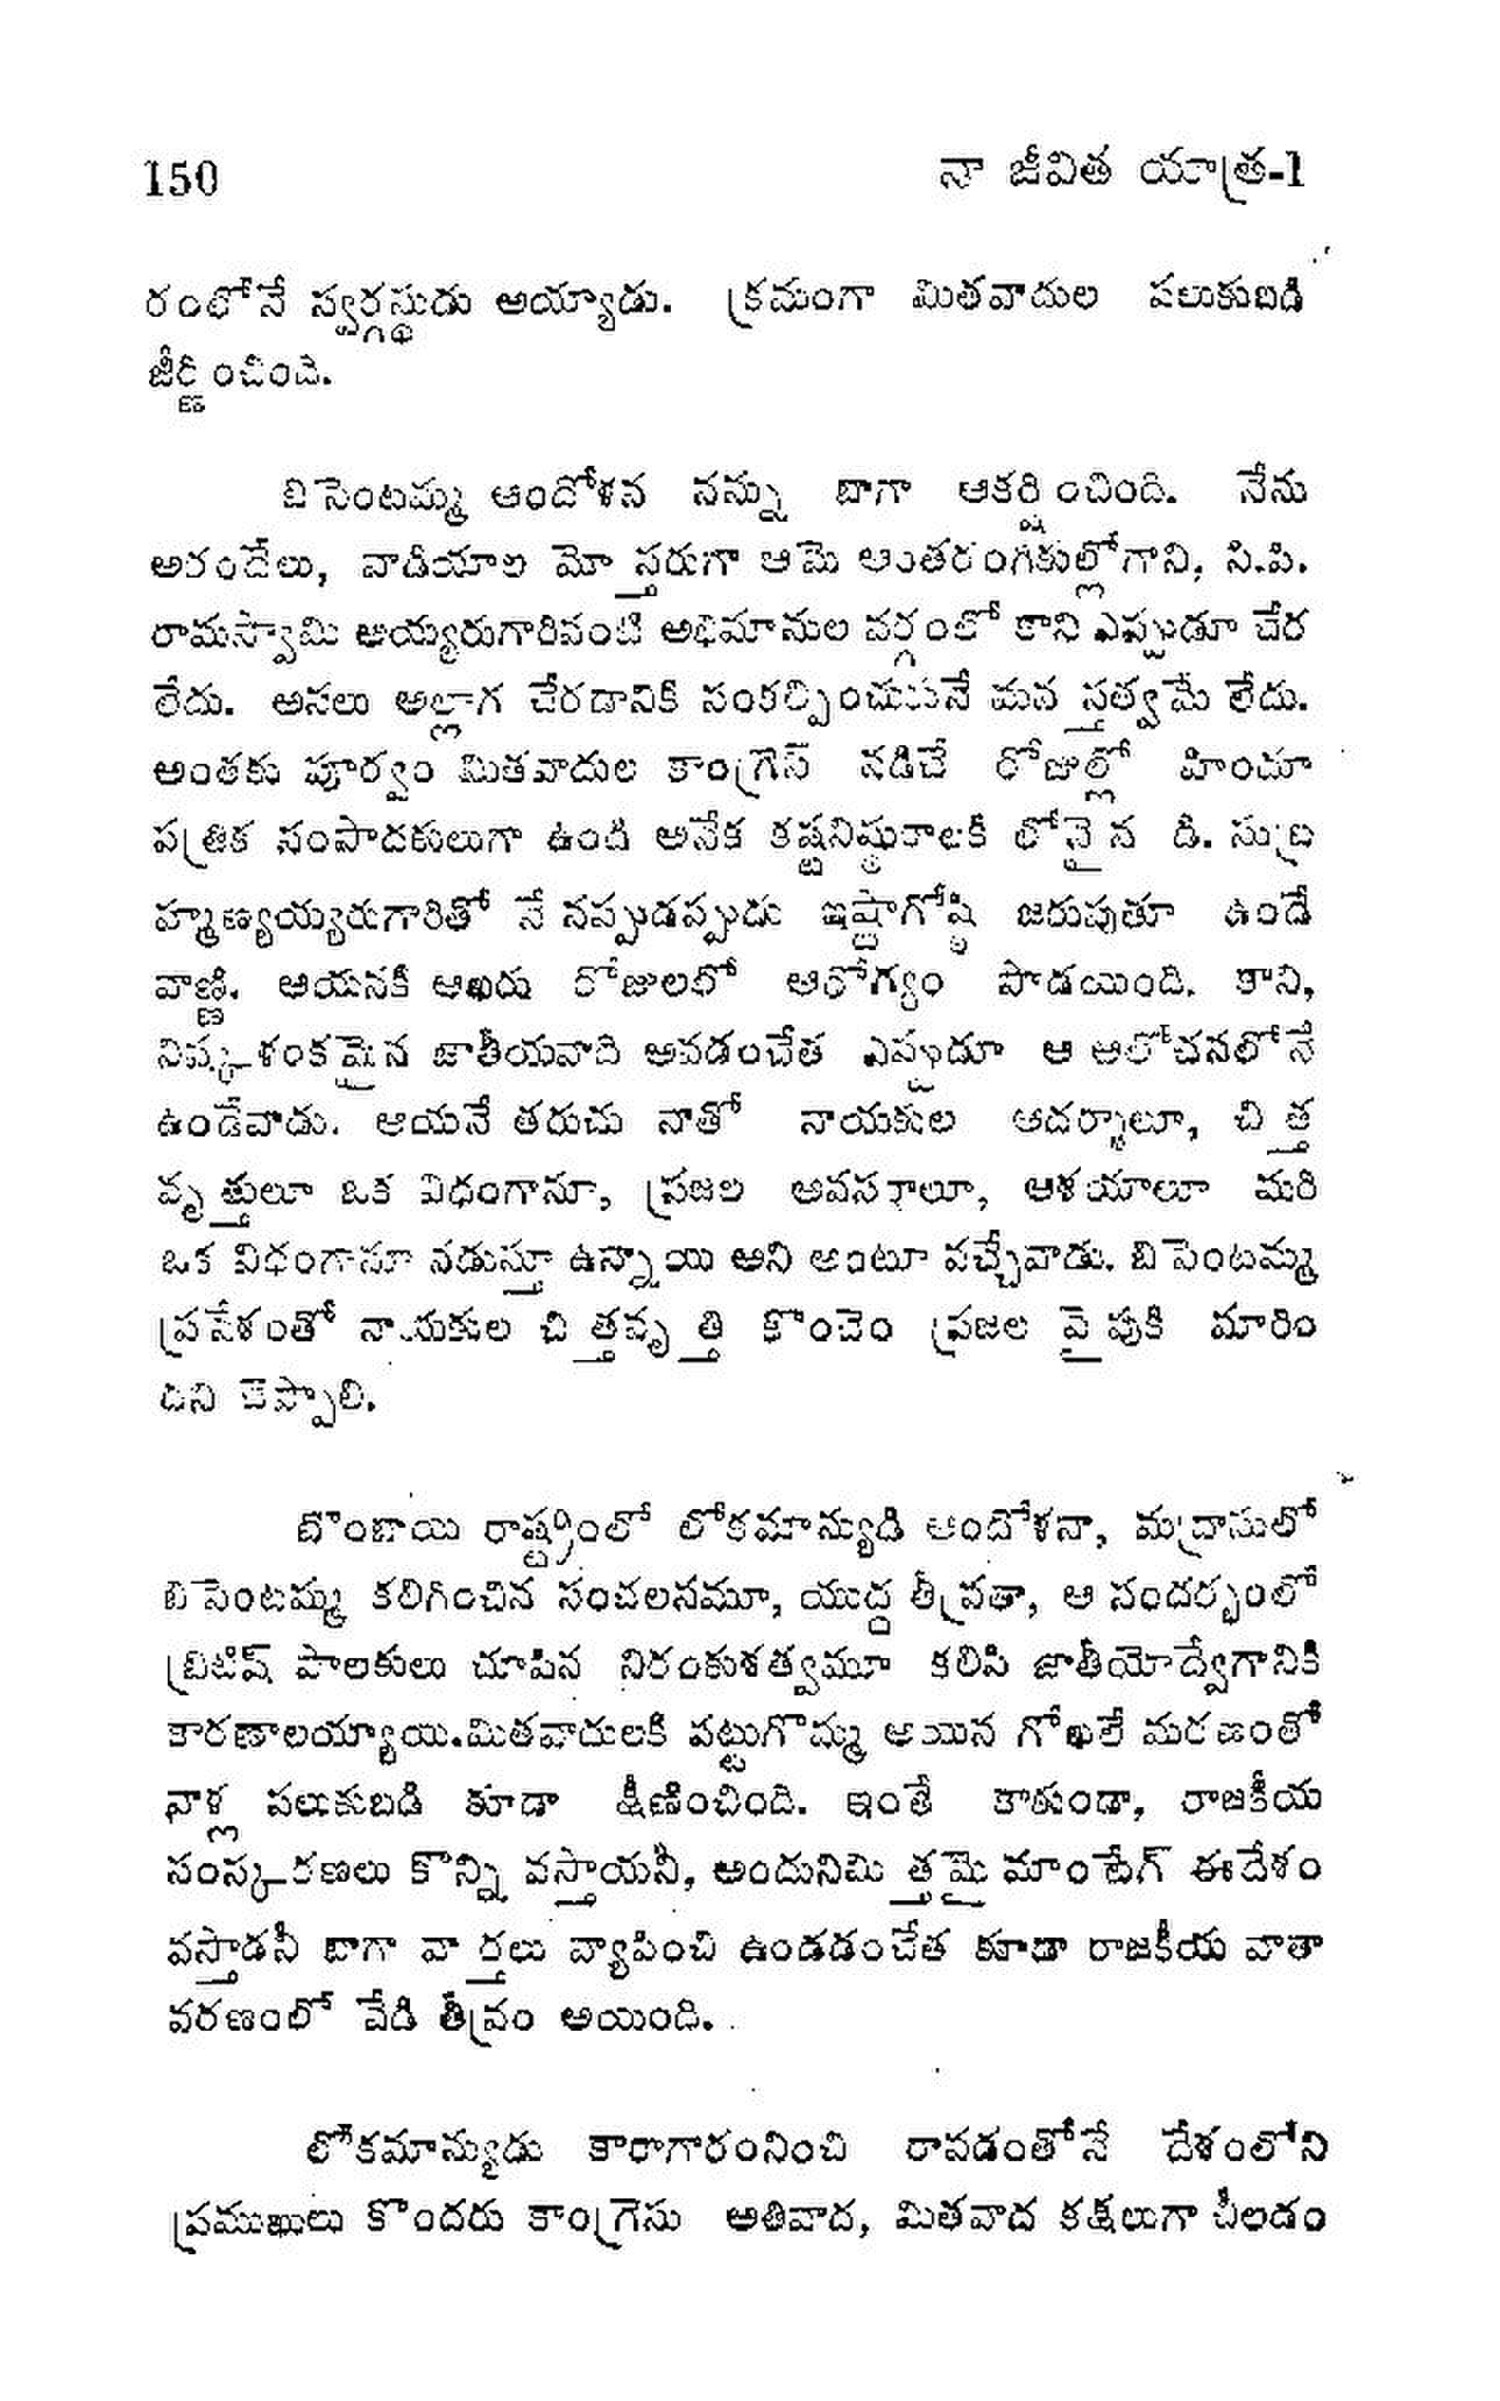రంలోనే స్వర్గస్థుడు అయ్యాడు. క్రమంగా మితవాదుల పలుకుబడి జీర్ణించింది.

బిసెంటమ్మ ఆందోళన నన్ను బాగా ఆకర్షించింది. నేను అరందేలు, వాడియాల మోస్తరుగా ఆమె ఆంతరంగికుల్లోగాని, సి. పి. రామస్వామి అయ్యరుగారివంటి అభిమానుల వర్గంలో కాని ఎప్పుడూ చేరలేదు. అసలు అల్లాగ చేరడానికి సంకల్పించుకునే మనస్తత్వమే లేదు. అంతకు పూర్వం మితవాదుల కాంగ్రెస్ నడిచే రోజుల్లో హిందూ పత్రిక సంపాదకులుగా ఉండి అనేక కష్టనిష్ఠురాలకి లోనైన డి. సుబ్రహ్మణ్యయ్యరుగారితో నే నప్పుడప్పుడు ఇష్టాగోష్టి జరుపుతూ ఉండేవాణ్ణి. ఆయనకి ఆఖరు రోజులలో ఆరోగ్యం పాడయింది. కాని, నిష్కళంకమైన జాతీయవాది అవడంచేత ఎప్పుడూ ఆ ఆలోచనలోనే ఉండేవాడు. ఆయనే తరుచు నాతో నాయకుల ఆదర్శాలూ, చిత్తవృత్తులూ ఒక విధంగానూ, ప్రజల అవసరాలూ, ఆశయాలూ మరి ఒక విధంగానూ నడుస్తూ ఉన్నాయి అని అంటూ వచ్చేవాడు. బిసెంటమ్మ ప్రవేశంతో నాయకుల చిత్తవృత్తి కొంచెం ప్రజల వైపుకి మారిందని చెప్పాలి.

బొంబాయి రాష్ట్రంలో లోకమాన్యుడి ఆందోళనా, మద్రాసులో బిసెంటమ్మ కలిగించిన సంచలనమూ, యుద్ద తీవ్రతా, ఆ సందర్భంలో బ్రిటిష్ పాలకులు చూపిన నిరంకుశత్వమూ కలిసి జాతీయోద్వేగానికి కారణా లయ్యాయి. మితవాదులకి పట్టుగొమ్మ అయిన గోఖలే మరణంతో వాళ్ల పలుకుబడి కూడా క్షీణించింది. ఇంతే కాకుండా, రాజకీయ సంస్కరణలు కొన్ని వస్తాయనీ, అందునిమిత్తమై మాంటేగ్ ఈదేశం వస్తాడనీ బాగా వార్తలు వ్యాపించి ఉండడంచేత కూడా రాజకీయ వాతావరణంలో వేడి తీవ్రం అయింది.

లోకమాన్యుడు కారాగారంనించి రావడంతోనే దేశంలోని ప్రముఖులు కొందరు కాంగ్రెసు అతివాద, మితవాద కక్షలుగా చీలడం